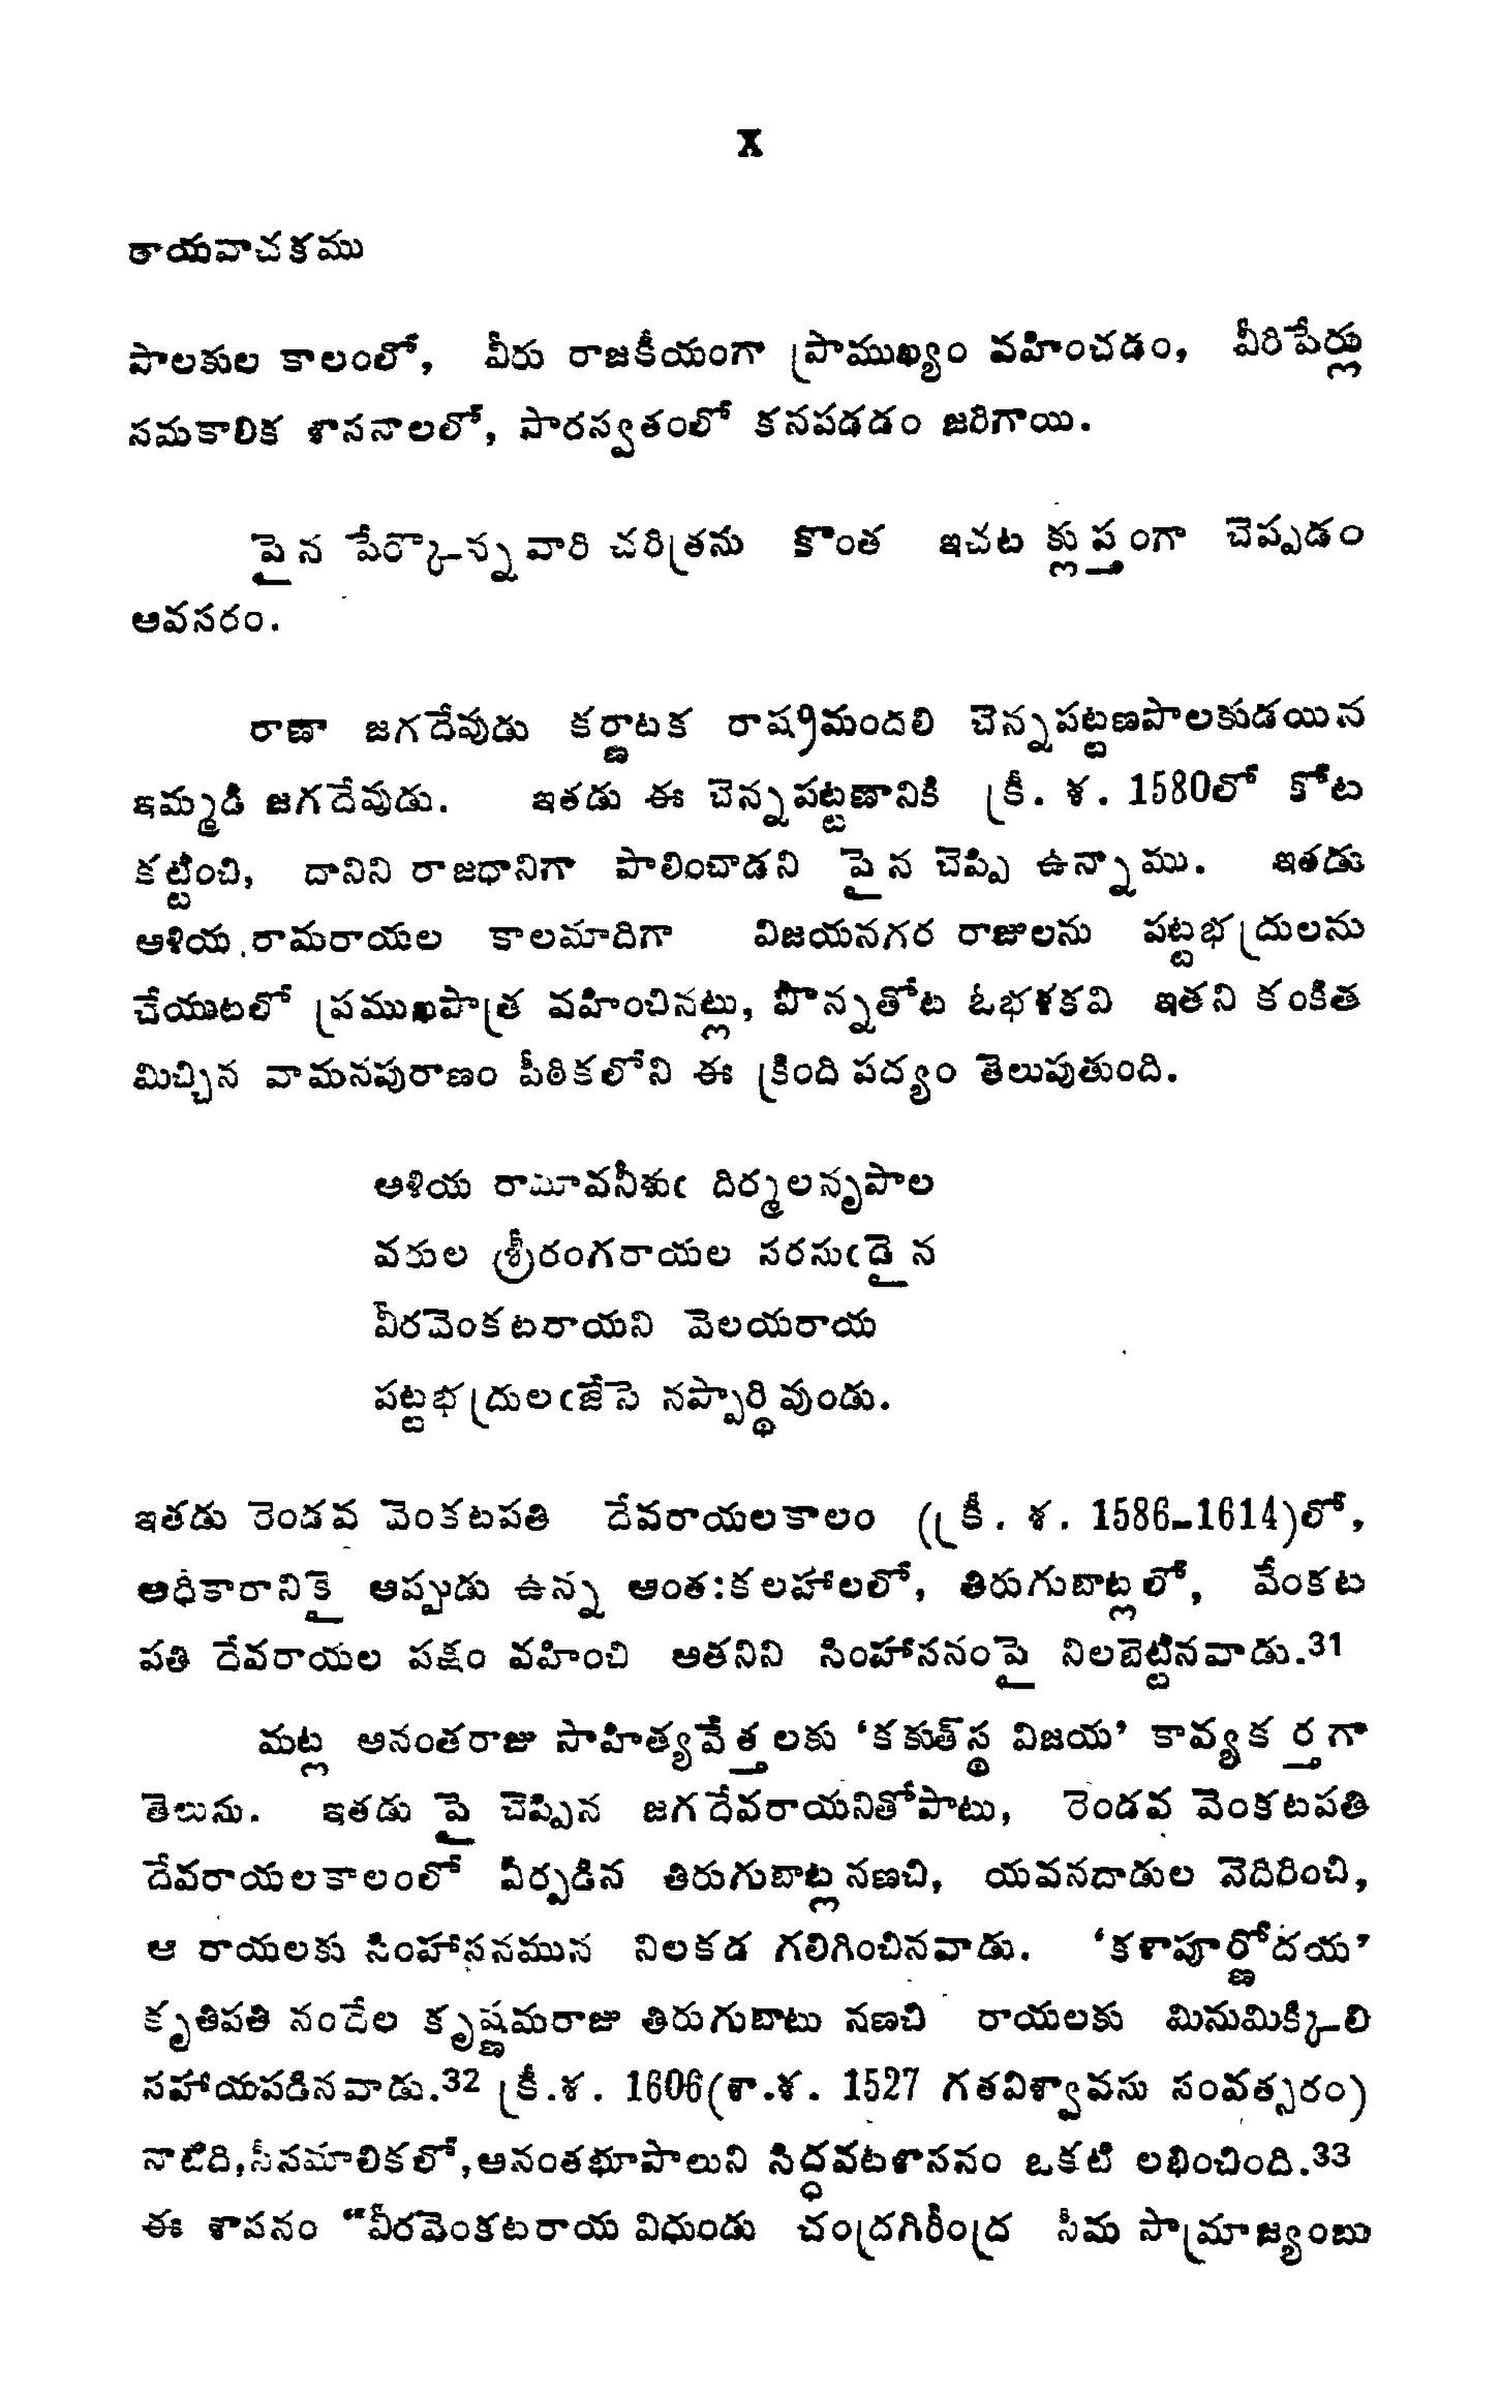పాలకులకాలంలో, వీరు రాజకీయంగా ప్రాముఖ్యం వహించడం, వీరిపేర్లు సమకాలికశాసనాలలో, సారస్వతంలో కనపడడం జరిగాయి.

పైన పేర్కొన్న వారి చరిత్రను కొంత ఇచట క్లుప్తంగా చెప్పడం అవసరం.

రాణా జగదేవుడు కర్ణాటక రాష్త్రమందలి చెన్నపట్టణపాలకుడయిన ఇమ్మడి జగదేవుడు. ఇతడు ఈ చెన్నపట్టణానికి క్రీ.శ. 1580లో కోట కట్టించి, దానిని రాజధానిగా పాలించాడని పైన చెప్పి ఉన్నాము. ఇతడు ఆళియ రామరాయల కాలమాదిగా విజయనగర రాజులను పట్టభద్రులను చేయుటలో ప్రముఖపాత్ర వహించినట్లు, పొన్నతోట ఓభళకవి ఇతని కంకిత మిచ్చిన వామనపురాణం పీఠికలోని ఈ క్రింది పద్యం తెలుపుతుంది.

ఇతడు రెండవ వెంకటపతి దేవరాయల కాలం (క్రీ.శ. 1586-1614)లో, అధికారానికై అప్పుడు ఉన్న అంతఃకలహాలలో, తిరుగుబాట్లలో, వేంకటపతి దేవరాయల పక్షం వహించి అతనిని సింహాసనంపై నిలబెట్టినవాడు.

మట్ల అనంతరాజు సాహిత్యవేత్తలకు 'కకుత్స్థవిజయ' కావ్యకర్తగా తెలుసు. ఇతడు పై చెప్పిన జగదేవరాయనితోపాటు, రెండవ వెంకటపతి దేవరాయలకాలంలో ఏర్పడిన తిరుగుబాట్ల నణచి, యవనదాడుల నెదిరించి, ఆ రాయలకు సింహాసనమున నిలకడ గలిగించినవాడు. 'కళాపూర్ణోదయ' కృతిపతి నందేల కృష్ణమరాజు తిరుగుబాటు నణచి రాయలకు మినుమిక్కిలి సహాయపడినవాడు. క్రీ.శ. 1606 (శా.శ. 1527 గతవిశ్వావసు సంవత్సరం) నాటిది, సీనమాలికలో, అనంతభూపాలుని సిద్ధవటశాసనం ఒకటి లభించింది. ఈ శాసనం "వీరవెంకటరాయవిభుండు చంద్రగిరీంద్రసీమసామ్రాజ్యంబు